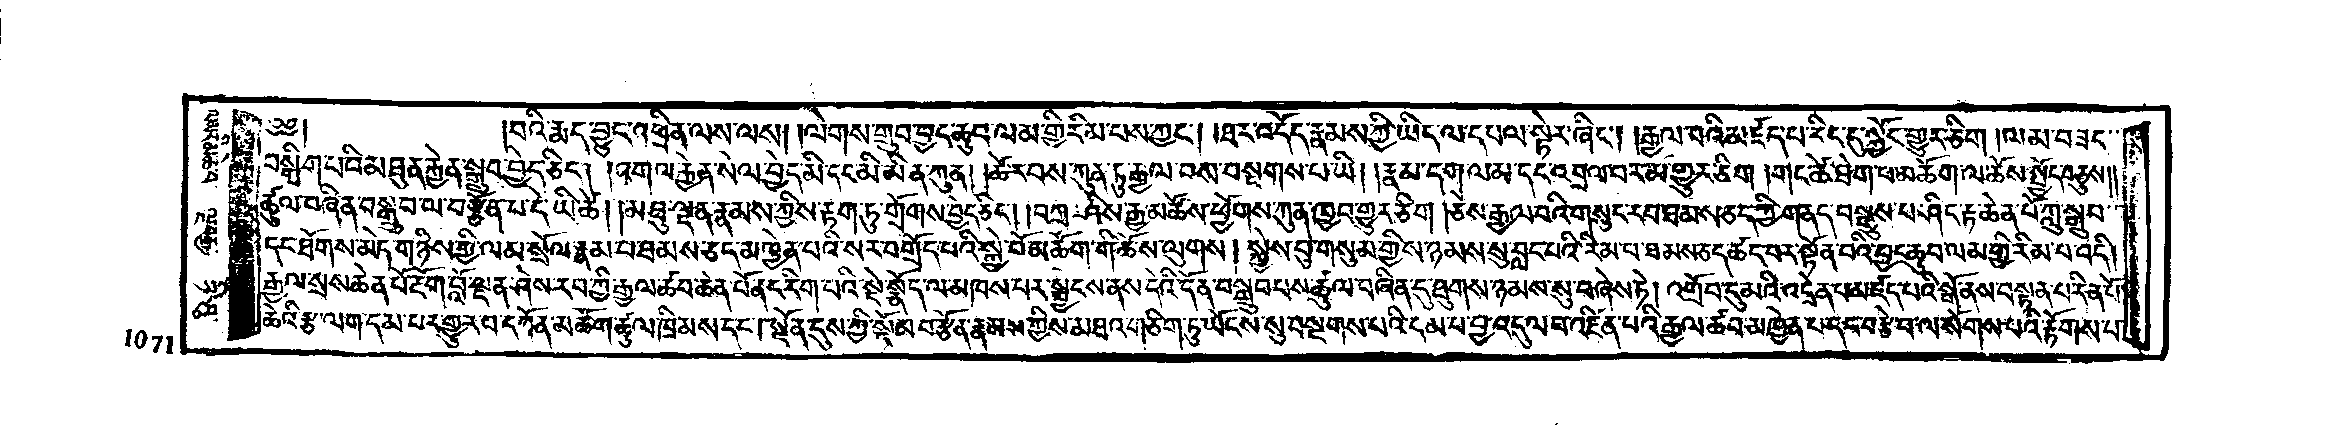༄༅། །བའི་རྨད་བྱུང་འཕྲིན་ལས་ལས། །ལེགས་གྲུབ་བྱང་ཆུབ་ལམ་གྱི་རིམ་པས་ཀྱང་། །ཐར་འདོད་རྣམས་ཀྱི་ཡིད་ལ་དཔལ་སྟེར་ཞིང་། །རྒྱལ་བའི་མཛད་པ་རིང་དུ་སྐྱོང་གྱུར་ཅིག །ལམ་བཟང་
བསྒྲིག་པའི་མཐུན་རྐྱེན་སྒྲུབ་བྱེད་ཅིང་། །འགལ་རྐྱེན་སེལ་བྱེད་མི་དང་མི་མིན་ཀུན། །ཚེ་རབས་ཀུན་ཏུ་རྒྱལ་བས་བསྔགས་པ་ཡི། །རྣམ་དག་ལམ་དང་འབྲལ་བར་མ་གྱུར་ཅིག །གང་ཚེ་ཐེག་པ་མཆོག་ལ་ཆོས་སྤྱོད་བཅུས།།
ཚུལ་བཞིན་བསྒྲུབ་ལ་བརྩོན་པ་དེ་ཡི་ཚེ། །མཐུ་ལྡན་རྣམས་ཀྱིས་རྟག་ཏུ་གྲོགས་བྱེད་ཅིང་། །བཀྲ་ཤིས་རྒྱ་མཚོས་ཕྱོགས་ཀུན་ཁྱབ་གྱུར་ཅིག །ཅེས་རྒྱལ་བའི་གསུང་རབ་ཐམས་ཅད་ཀྱི་གནད་བསྡུས་པ་ཤིང་རྟ་ཆེན་པོ་ཀླུ་སྒྲུབ་
དང་ཐོགས་མེད་གཉིས་ཀྱི་ལམ་སྲོལ་རྣམ་པ་ཐམས་ཅད་མཁྱེན་པའི་སར་བགྲོད་པའི་སྐྱེ་བོ་མཆོག་གི་ཆོས་ལུགས། སྐྱེས་བུ་གསུམ་གྱིས་ཉམས་སུ་བླང་པའི་རིམ་པ་ཐམས་ཅད་ཚང་བར་སྟོན་པའི་བྱང་ཆུབ་ལམ་གྱི་རིམ་པ་འདི།
རྒྱལ་སྲས་ཆེན་པོ་རྔོག་བློ་ལྡན་ཤེས་རབ་ཀྱི་རྒྱལ་ཚབ་ཆེན་པོ་ནང་རིག་པའི་སྡེ་སྣོད་ལ་མཁས་པར་སྦྱངས་ནས་དེའི་དོན་བསྒྲུབ་པས་ཚུལ་བཞིན་དུ་ཐུགས་ཉམས་སུ་བཞེས་ཏེ། འགྲོ་བ་དུ་མའི་འདྲེན་པ་མཛད་པའི་སྒོ་ནས་བསྟན་པ་རིན་པོ་
ཆེའི་རྩ་ལག་དམ་པར་གྱུར་པ་དཀོན་མཆོག་ཚུལ་ཁྲིམས་དང་། སྔོན་དུས་ཀྱི་སྡོམ་བརྩོན་རྣམས་ཀྱིས་མཐའ་གཅིག་ཏུ་ཡོངས་སུ་བསྔགས་པའི་དམ་པ་བྱ་འདུལ་བ་འཛིན་པའི་རྒྱལ་ཚབ་མཁྱེན་པ་དང་བརྩེ་བ་ལ་སོགས་པའི་རྟོགས་པ་